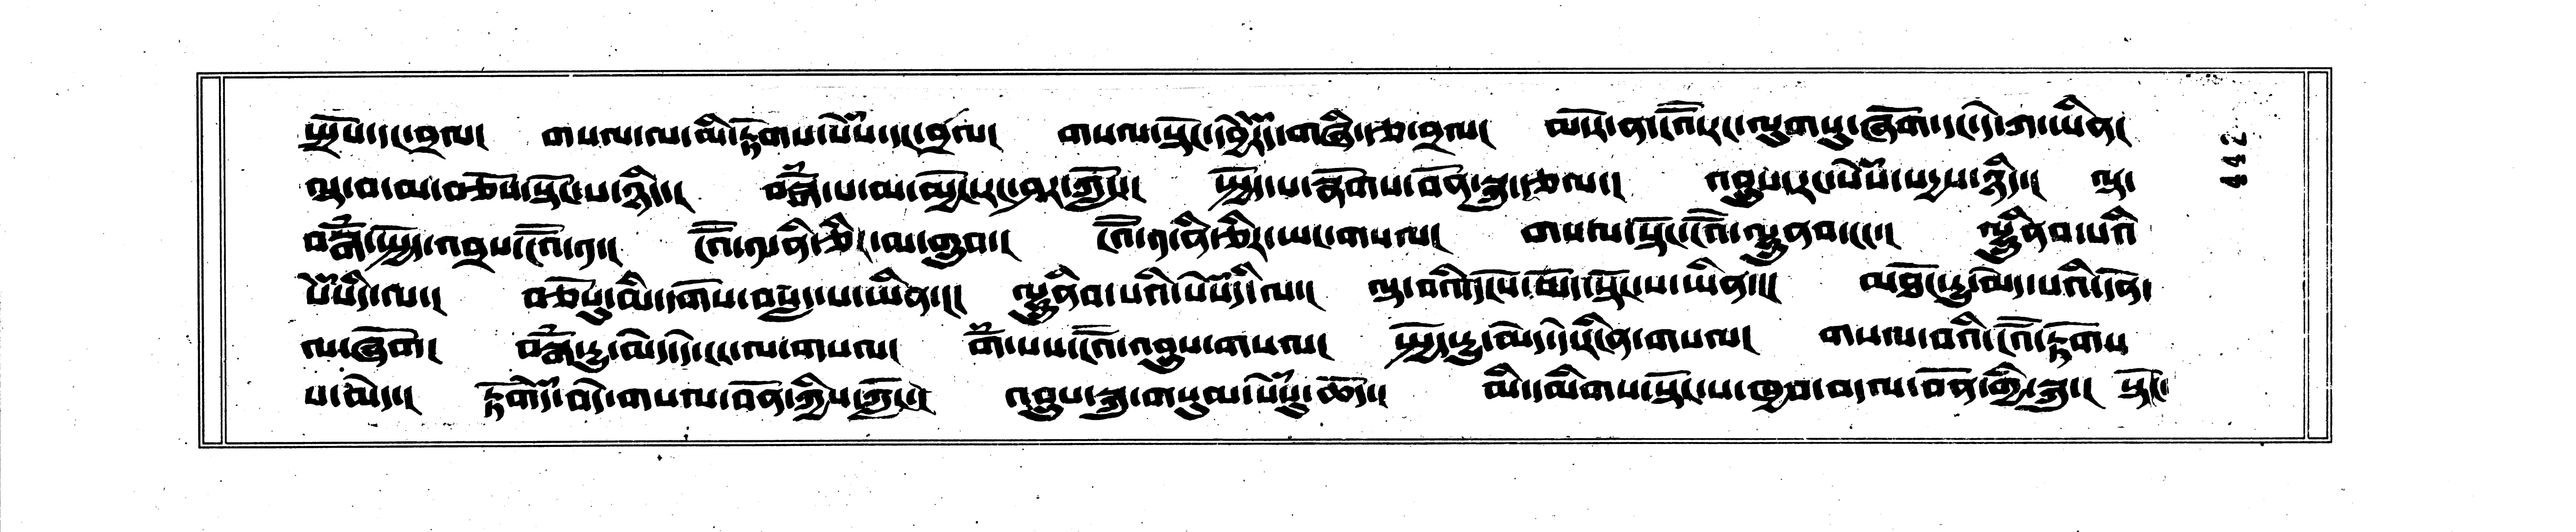སྤྲོས་དང་བྲལ། གསལ་ལ་མི་རྟོགས་བསམ་མནོ་དང་བྲལ། གསལ་སྟོང་དབྱེར་མེད་གཞི་རྩ་བྲལ། མདོར་ན་ངོའོ་རང་ལུགས་སུ་ཞོག་དང་དེ་ཀ་ཡིན། 
ལྟ་བས་མ་བཅོས་སྟོང་པ་ཉིད། སྒོམ་པས་མ་གཡོས་རང་ཤར་ཀློང་། སྤྱོད་པ་སྣ་ཚོགས་བོན་སྐུའི་རྩལ། འབྲས་བུ་རང་སེམས་སངས་རྒྱས་ཉིད། ལྟ་
སྒོམ་སྤྱོད་འབྲས་ངོའོ་ཅིག ངོའོ་ཅིག་ནི་ཅིར་མ་གྲུབ། ངོའོ་ཅིག་ནི་ཅིར་ཡང་གསལ། གསལ་སྟོང་ངོའོ་ལྷུན་གྲུབ་དང་། ལྷུན་གྱིས་གྲུབ་པའི་
སེམས་ཉིད་ལ། བཅོས་སུ་མི་དགོས་ཀློད་པ་ཡིན། ལྷུན་གྱིས་གྲུབ་པའི་སེམས་ཉིད་ལ། བལྟས་པས་དངོས་མེད་སྟོང་པ་ཡིན། མཐོང་རྒྱུ་མེད་པའི་ངང་
ལ་ཞོག སྒོམ་རྒྱུ་མེད་དེ་ངང་ལ་གསལ། གོམ་པའི་ངོའོ་འབྲས་བུར་གསལ། སྤྱོད་རྒྱུ་མེད་དེ་རང་བཞིན་གསལ། གསལ་བའི་ངོའོ་རྟོག་
པ་མེད། རྟོག་མེད་བདེ་གསལ་བོན་ཉིད་ཀློང་། འབྲས་བུ་སྐུ་གསུམ་སེམས་སུ་ཆོད། མི་དམིགས་ཁྱབ་བདལ་སྟོང་པ་བོན་གྱིས་སྐུ། སྟོང་